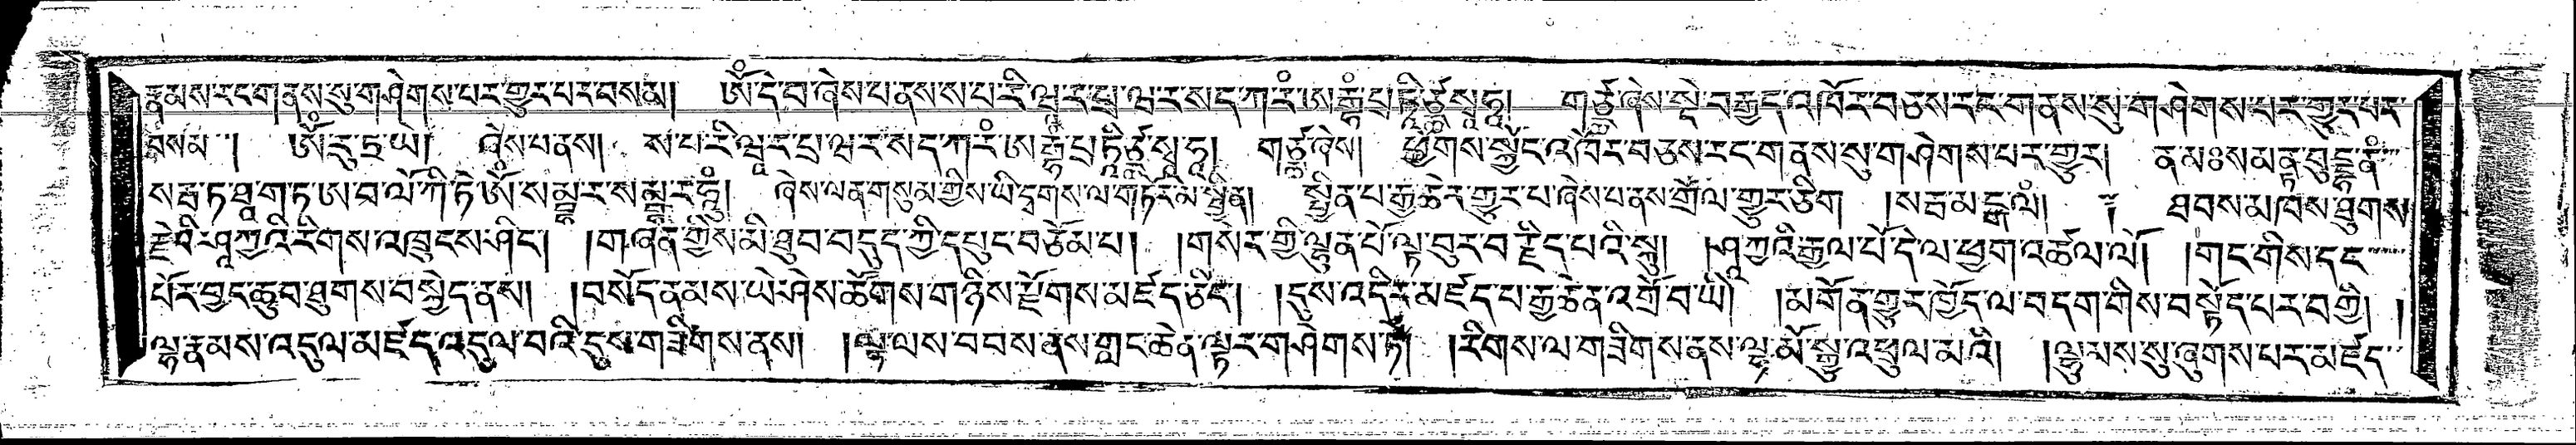རྣམས་རང་གནས་སུ་གཤེགས་པར་གྱུར་པར་བསམ། ཨོཾ་དེ་བ་ཞེས་པ་ནས་ས་པ་རི་ཝཱ་ར་པྲ་ཝ་ར་སད་ཀ་རཾ་ཨརྒྷཾ་པྲ་ཏཱི་ཙྪ་སྭཱ་ཧཱ། གཙྪ་ཞེས་སྡེ་བརྒྱད་འཁོར་བཅས་རང་གནས་སུ་གཤེགས་པར་གྱུར་པར་
བསམ། ཨོཾ་རུ་ཏྲ་ཡེ། ཞེས་པ་ནས། ས་པ་རི་ཝཱ་ར་པྲ་ཝ་ར་སད་ཀ་རཾ་ཨརྒྷཾ་པྲ་ཏཱི་ཙྪ་སྭཱ་ཧཱ། གཙྪ་ཞེས། ཕྱོགས་སྐྱོང་འཁོར་བཅས་རང་གནས་སུ་གཤེགས་པར་གྱུར། ན་མཿ སམ་ནྟ་བུ་དྡྷ་ནཾ་
སརྦ་ཏ་ཐཱ་ག་ཏ་ཨ་བ་ལོ་ཀི་ཏེ་ཨོཾ་སམྦྷ་ར་སམྦྷ་ར་ཧཱུཾ། ཞེས་ལན་གསུམ་གྱིས་ཡི་དྭགས་ལ་གཏོར་མ་སྦྱིན། སྤྱིན་པ་རྒྱ་ཆེར་གྱུར་པ་ཞེས་པ་ནས་གྲོལ་གྱུར་ཅིག །སརྦ་མངྒ་ལཾ། ༈ ཐབས་མཁས་ཐུགས་
རྗེའི་ཤཱ་ཀྱའི་རིགས་འཁྲུངས་ཤིང་། །གཞན་གྱིས་མི་ཐུབ་བདུད་ཀྱི་དཔུང་བཅོམ་པ། །གསེར་གྱི་ལྷུན་པོ་ལྟ་བུར་བརྗིད་པའི་སྐུ། །ཤཱ་ཀྱའི་རྒྱལ་པོ་དེ་ལ་ཕྱག་འཚལ་ལོ། །གང་གིས་དང་
པོར་བྱང་ཆུབ་ཐུགས་བསྐྱེད་ནས། །བསོད་ནམས་ཡེ་ཤེས་ཚོགས་གཉིས་རྫོགས་མཛད་ཅིང་། །དུས་འདིར་མཛད་པ་རྒྱ་ཆེན་འགྲོ་བ་ཡི། །མགོན་གྱུར་ཁྱོད་ལ་བདག་གིས་བསྟོད་པར་བགྱི། །
ལྷ་རྣམས་འདུལ་མཛད་འདུལ་བའི་དུས་གཟིགས་ནས། །ལྷ་ལས་བབས་ནས་གླང་ཆེན་ལྟར་གཤེགས་ཏེ། །རིགས་ལ་གཟིགས་ནས་ལྷ་མོ་སྒྱུ་འཕྲུལ་མའི། །ལྷུམས་སུ་ཞུགས་པར་མཛད་